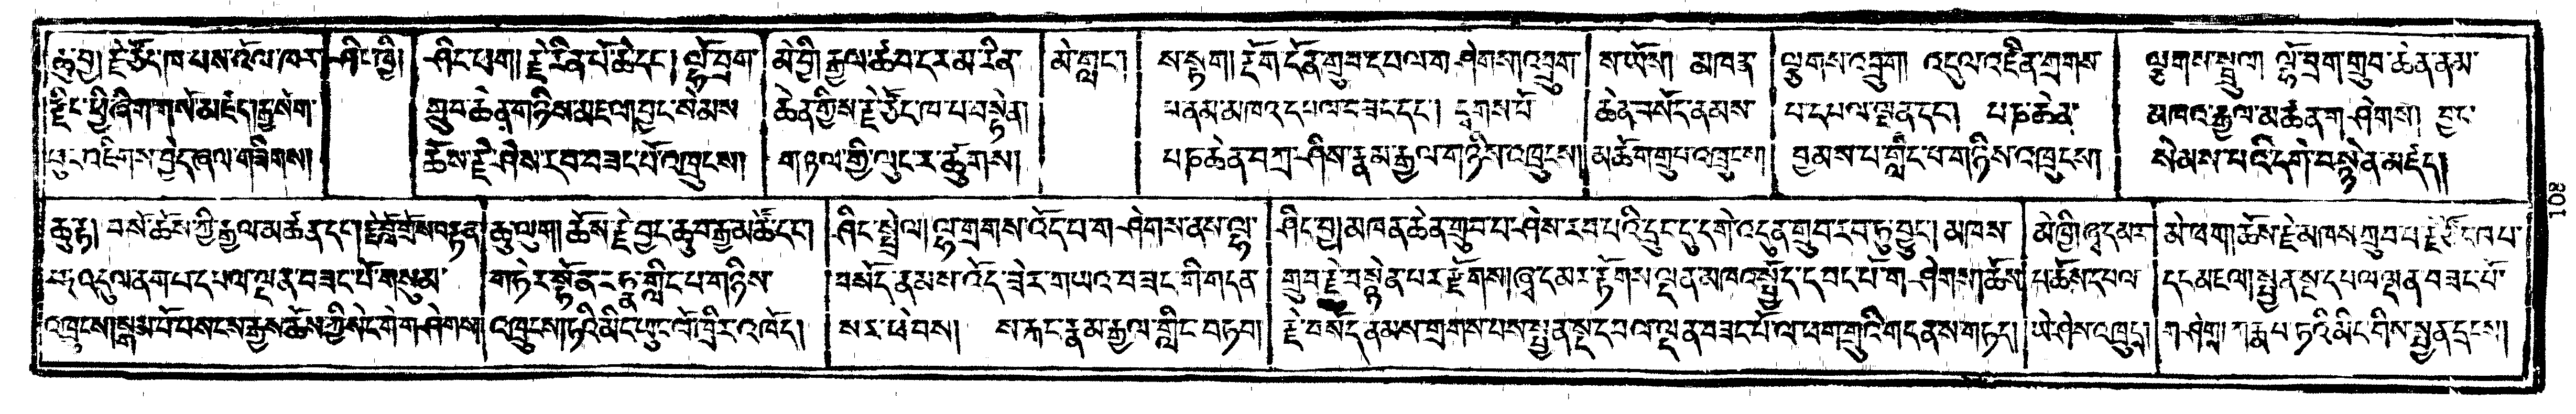ཆུ་བྱ། རྗེ་ཙོང་ཁ་པས་འོལ་ཁར་ཤིང་ཁྱི། ཤིང་ཕག། རྗེ་རིན་པོ་ཆེ་དང་། ལྷོ་བྲག་མེ་བྱི། རྒྱལ་ཚབ་དར་མ་རིན་མེ་གླང་། ས་སྟག། རྡོག་དོན་གྲུབ་དཔལ་གཤེགས། འབྲུག་ས་ཡོས། མཁན་ལྕགས་འབྲུག། འདུལ་འཛིན་གྲགས་ལྕགས་སྤྲུལ། ལྷོ་བྲག་གྲུབ་ཆེན་ནམ་
རྫིང་ཕྱི་ཞིག་གསོ་མཛད། རྒྱ་སོག །གྲུབ་ཆེན་གཉིས་མཇལ། བྱང་སེམས་ཆེན་ཀྱིས་རྗེ་ཙོང་ཁ་པ་བསྟེན། པ་ནམ་མཁའ་དཔལ་བཟང་དང་། དྭགས་པོ་ཆེན་བསོད་ནམས་པ་དཔལ་ལྡན་དང་། པཎ་ཆེན་མཁའ་རྒྱལ་མཚན་གཤེགས། བྱང་
ཕུང་འཇིགས་བྱེད་ཞལ་གཟིགས། ཆོས་རྗེ་ཤེས་རབ་བཟང་པོ་འཁྲུངས། གཉལ་གྱི་ལུང་ར་ཚུགས། པཎ་ཆེན་བཀྲ་ཤིས་རྣམ་རྒྱལ་གཉིས་འཁྲུངས། མཆོག་གྲུབ་འཁྲུངས། བྱམས་པ་གླིང་པ་གཉིས་འཁྲུངས། སེམས་པའི་དགེ་བསྙེན་མཛད།
ཆུ་རྟ། བསོ་ཆོས་ཀྱི་རྒྱལ་མཚན་དང་། རྗེ་བློ་གྲོས་བརྟན། ཆུ་ལུག། ཆོས་རྗེ་བྱང་ཆུབ་རྒྱ་མཚོ་དང་། ཤིང་སྤྲེལ། ལྷ་གྲགས་འོད་པ་གཤེགས་ནས་ལྷ། ཤིང་བྱ། མཁན་ཆེན་གྲུབ་པ་ཤེས་རབ་པའི་དྲུང་དུ་དགེ་འདུན་གྲུབ་རབ་ཏུ་བྱུང་། མཁས། མེ་ཁྱི། ཞྭ་དམར། མེ་ཕག། ཆོས་རྗེ་མཁས་གྲུབ་པ་རྗེ་ཙོང་ཁ་པ་
བད་འདུལ་ནག་པ་དཔལ་ལྡན་བཟང་པོ་གསུམ། གཏེར་སྟོན་ངཧྣ་གླིང་པ་གཉིས། བསོད་ནམས་འོད་ཟེར་གཡའ་བཟང་གི་གདན། གྲུབ་རྗེ་བསྙེན་པར་རྫོགས། ཞྭ་དམར་རྟོགས་ལྡན་མཁའ་སྤྱོད་དབང་པོ་གཤེགས། ཆོས། པ་ཆོས་དཔལ། དང་མཇལ། སྤྱན་སྔ་དཔལ་ལྡན་བཟང་པོ་
འཁྲུངས། སྒམ་པོ་བསངས་རྒྱས་ཆོས་ཀྱི་སེང་གེ་གཤེགས། འཁྲུངས། ཏའི་མིང་ཕུང་ལོ། ཁྲི་འཁོད། སར་ཕེབས། ས་རྐང་རྣམ་རྒྱལ་གླིང་བཏབ། རྗེ་བསོད་ནམས་གྲགས་པས་སྤྱན་སྔ་དཔལ་ལྡན་བཟང་པོ་ལ་ཕག་གྲུའི་གདན་ས་གཏད། ཡེ་ཤེས་འཁྲུངས། གཤེགས། ཀརྨ་པ་ཏའི་མིང་གིས་སྤྱན་དྲངས།